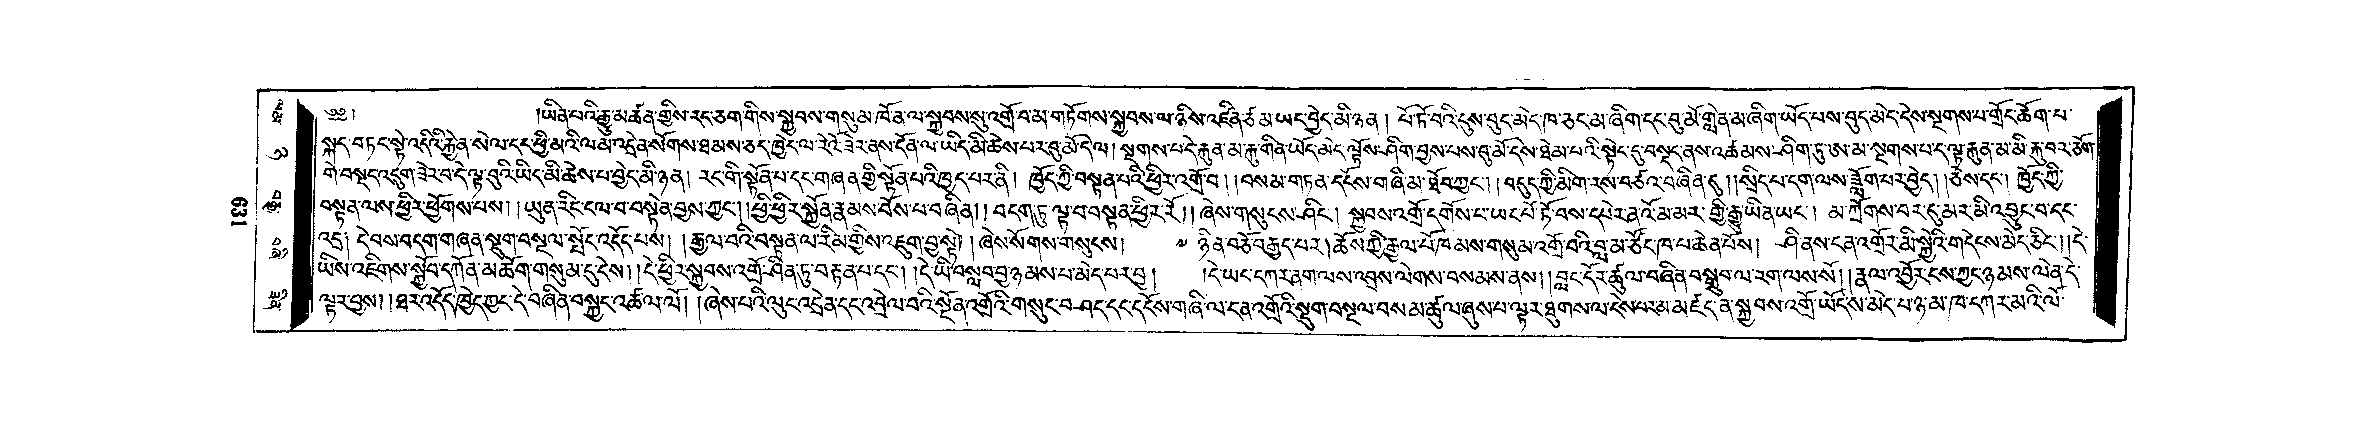༄༅། །ཡིན་པའི་རྒྱུ་མཚན་གྱིས་རང་ཅག་གིས་སྐྱབས་གསུམ་ཁོ་ན་ལ་སྐྱབས་སུ་འགྲོ་བ་མ་གཏོགས་སྐྱབས་ལ་ཉིས་འཛིན་ཙམ་ཡང་བྱེད་མི་ཉན། པོ་ཏོ་བའི་དུས་བུད་མེད་ཁ་ཅང་མ་ཞིག་དང་བུ་མོ་གླེན་མ་ཞིག་ཡོད་པས་བུད་མེད་དེས་སྔགས་པ་གྲོང་ཆོག་པ་
སྐད་བཏང་སྟེ་འདིའི་རྐྱེན་སེལ་དང་ཕྱི་མའི་ལམ་འདྲེན་སོགས་ཐམས་ཅད་ཁྱེད་ལ་རེའོ་ཟེར་ནས་དོན་ལ་ཡིད་མི་ཆེས་པར་བུ་མོ་དེ་ལ། སྔགས་པ་དེ་རྐུན་མ་རྐུ་གིན་ཡོད་མེད་ལྟོས་ཤིག་བྱས་པས་བུ་མོ་དེས་ཐེམ་པའི་སྟེང་དུ་བསྡད་ནས་འཚམས་ཤིག་ཏུ་ཨ་མ་སྔགས་པ་ད་ལྟ་རྐུན་མ་མི་རྐུ་བར་ཅོག་
གེ་བསྡད་འདུག་ཟེར་བ་དེ་ལྟ་བུའི་ཡིད་མི་ཆེས་པ་བྱེད་མི་ཉན། རང་གི་སྟོན་པ་དང་གཞན་གྱི་སྟོན་པའི་ཁྱད་པར་ནི། ཁྱོད་ཀྱི་བསྟན་པའི་ཕྱིར་འགྲོ་བ། །བསམ་གཏན་དངོས་གཞི་མ་ཐོབ་ཀྱང་། །བདུད་ཀྱི་མིག་རས་བཙའ་བཞིན་དུ། །སྲིད་པ་དག་ལས་ཟློག་པར་བྱེད། །ཅེས་དང་། ཁྱོད་ཀྱི་
བསྟན་ལས་ཕྱིར་ཕྱོགས་པས། །ཡུན་རིང་ངལ་བ་བསྟེན་བྱས་ཀྱང་། །ཕྱི་ཕྱིར་སྐྱོན་རྣམས་བོས་པ་བཞིན། །བདག་ཏུ་ལྟ་བ་བསྟན་ཕྱིར་རོ། །ཞེས་གསུངས་ཤིང་། སྐྱབས་འགྲོ་དགོས་པ་ཡང་པོ་ཏོ་བས་དཔེར་ན་འོ་མ་མར་གྱི་རྒྱུ་ཡིན་ཡང་། མ་ཀྲོགས་བར་དུ་མར་མི་འབྱུང་བ་དང་
འདྲ། དེ་བས་བདག་གཞན་སྡུག་བསྔལ་སྤོང་འདོད་པས། །རྒྱལ་བའི་བསྟན་ལ་རིམ་གྱིས་འཇུག་བྱ་སྟེ། ཞེས་སོགས་གསུངས། ༧་ཉིན་བཅོ་བརྒྱད་པར། ཆོས་ཀྱི་རྒྱལ་པོ་ཁམས་གསུམ་འགྲོ་བའི་བླ་མ་ཙོང་ཁ་པ་ཆེན་པོས། ཤི་ནས་ངན་འགྲོར་མི་སྐྱེའི་གདེངས་མེད་ཅིང་། །དེ་
ཡིས་འཇིགས་སྐྱོབ་དཀོན་མཆོག་གསུམ་དུ་ངེས། །དེ་ཕྱིར་སྐྱབས་འགྲོ་ཤིན་ཏུ་བརྟན་པ་དང་། །དེ་ཡི་བསླབ་བྱ་ཉམས་པ་མེད་པར་བྱ། །དེ་ཡང་དཀར་ནག་ལས་འབྲས་ལེགས་བསམས་ནས། །བླང་དོར་ཚུལ་བཞིན་བསྒྲུབ་ལ་རག་ལས་སོ། །རྣལ་འབྱོར་ངས་ཀྱང་ཉམས་ལེན་དེ་
ལྟར་བྱས། །ཐར་འདོད་ཁྱེད་ཀྱང་དེ་བཞིན་བསྐྱང་འཚལ་ལོ། །ཞེས་པའི་ལུང་འདྲེན་དང་འབྲེལ་བའི་སྔོན་འགྲོའི་གསུང་བཤད་དང་དངོས་གཞི་ལ་ངན་འགྲོའི་སྡུག་བསྔལ་བསམ་ཚུལ་ཞུས་པ་ལྟར་ཐུགས་ལ་ངེས་པར་མ་མཛད་ན་སྐྱབས་འགྲོ་ཡོད་ས་མེད་པ་ཉ་མ་ཁ་དཀར་མའི་ལོ་